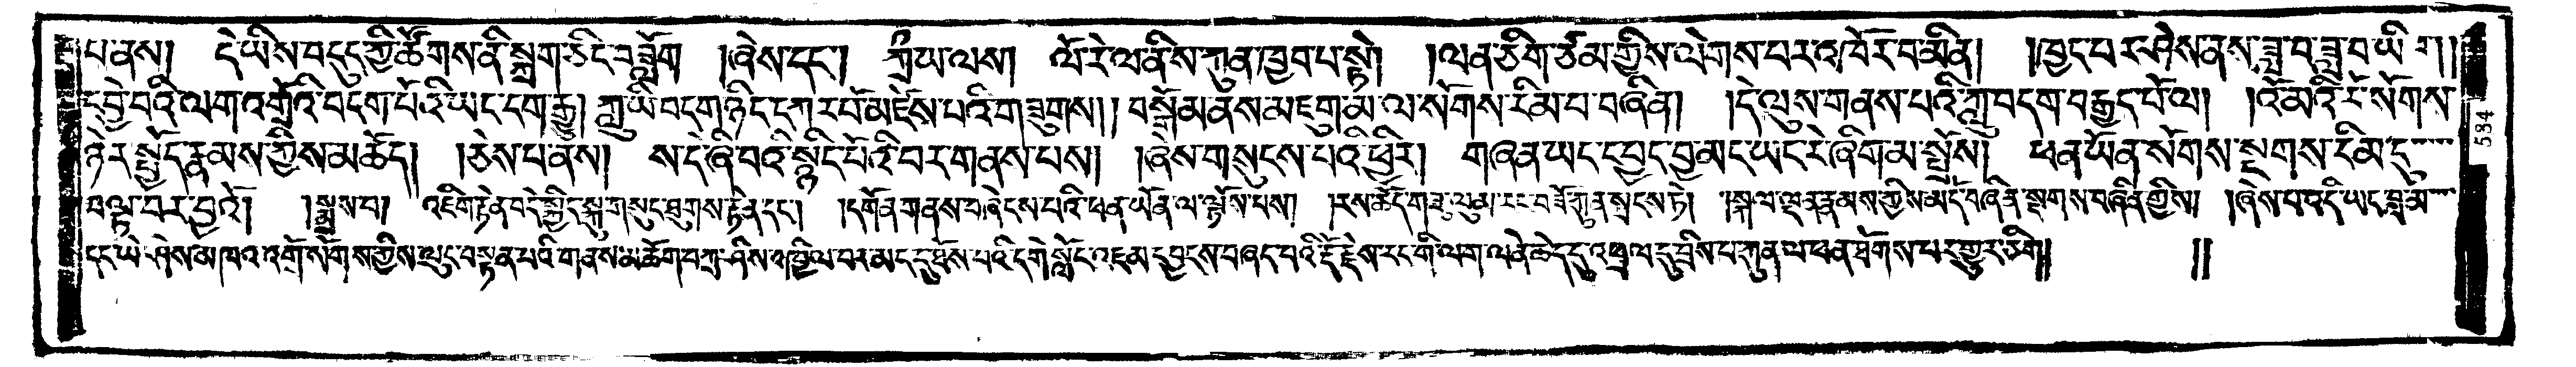པ་ནས། དེ་ཡིས་བདུད་ཀྱི་ཚོགས་ནི་སྐྲག་ཅིང་བཟློག། །ཞེས་དང་། ཀྲྀ་ཡ་ལས། ལོ་རེ་ལ་ནི་ཀུན་ཁྱབ་བ་སྟེ། །ལན་ཅིག་ཙམ་གྱིས་ལེགས་པར་འཁོར་བ་མིན། །ཁྱད་པར་ཤེས་ནས་ཟླ་བཟླབ་པ་ཡིག།
དབྱེ་བའི་ལག་འགྲོའི་བདག་པོའི་ཡང་དག་རྒྱུ། ཀླུ་ཡི་བདག་ཉིད་དཀར་པོ་མཛེས་པའི་གཟུགས། བསྒོམ་ནས་མཇུག་མ་ལ་སོགས་རིམ་བ་བཞིན། །དེ་ལུས་གནས་བའི་ཀླུ་བདག་བརྒྱད་པོ་ལ། །འོ་མ་རོ་སོགས་
ཉེར་སྦྱོད་རྣམས་ཀྱིས་མཆོད། །ཅེས་བ་ནས། ས་དེ་ཞི་བའི་སྙིང་པོའི་བར་གནས་པས། །ཞེས་གསུངས་པའི་ཕྱིར། གཞན་ཡང་དབྱངས་བྱ་མང་ཡང་རེ་ཞིག་མ་སྤྲོས། ཕན་ཡོན་སོགས་སྔགས་རིམ་དུ་
བལྟ་བར་བྱའོ། །སྨྲས་བ། འཇིག་རྟེན་བདེ་སྦྱི་སྐུ་གསུངས་ཐུགས་རྟེན་དང་། །དགོན་གནས་བཞེངས་པཱི་ཕན་ཡོན་ལ་ལྟོས་ལས། །ར་མཆོད་????་ཀླུན་སྲངས་ཏེ། །སྐལ་ལྡན་རྣམ་ཀྱིས་མདོ་བཞེན་སྔགས་བཞིན་གྱིས། །ཞེས་པ་འདི་ཡང་ཟླམ་
དང་ཡེ་ཤེས་མཁའ་འགྲོ་སོགས་ཀྱིས་ལུང་བསྟན་པའི་གནས་མཆོག་བཀྲ་ཤིས་པར་མང་རུ་ཐོས་པའི་དགེ་སློང་འཇམ་དབྱངས་བཞད་བའི་རྡོ་རྗེ་རང་གི་ལག་ལེན་ཆེད་དུ་འཕྲལ་དུ་བྲིས་པ་ཀུན་ལ་ཕན་ཐོགས་པར་གྱུར་ཅིག།། །།